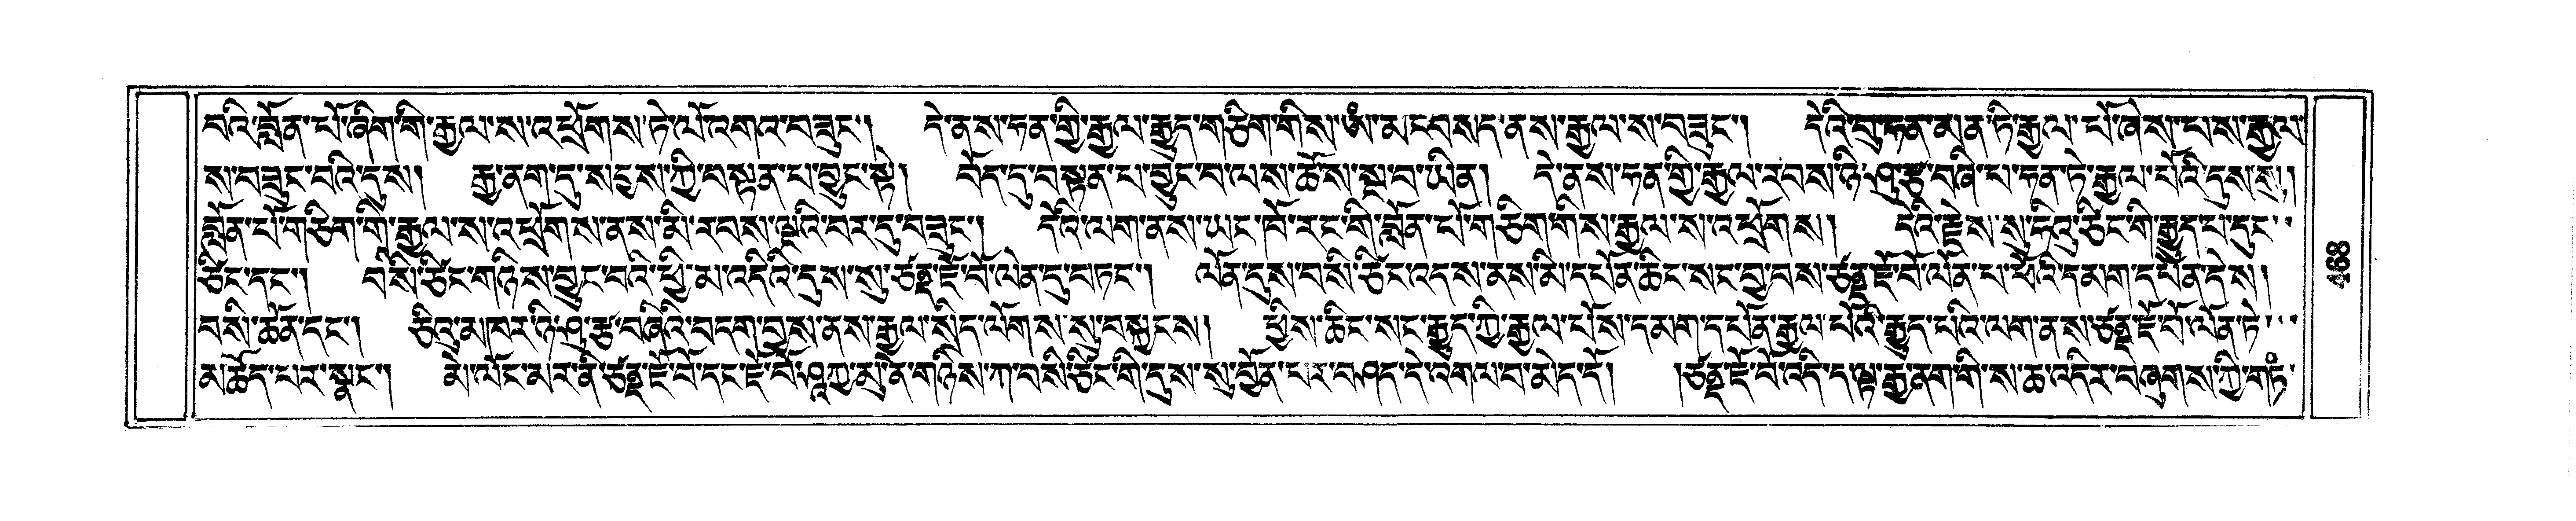བའི་བློན་པོ་ཞིག་གི་རྒྱལ་ས་འཕྲོགས་ཏེ་ལོ་འགའ་བཟུང་། དེ་ནས་ཧན་གྱི་རྒྱལ་རྒྱུད་གཅིག་གིས་ཨཾ་མང་བསད་ནས་རྒྱལ་ས་བཟུང་། དེའི་བུ་ཧན་མན་ཏི་རྒྱལ་པོ་ཞེས་པས་རྒྱལ་
ས་བཟུང་བའི་དུས། རྒྱ་ནག་དུ་སདྱས་ཀྱི་བསྟན་པ་བྱུང་སྟེ། བོད་དུ་བསྟན་པ་བྱུང་བ་ལས་ཆོས་སྔ་བ་ཡིན། དེ་ནས་ཧན་གྱི་རྒྱལ་རབས་ཉི་ཤུ་རྩ་བཞི་པ་ཧན་ཏེ་རྒྱལ་པོའི་དུས་སུ།
བློན་པོ་གཅིག་གི་རྒྱལ་ས་འཕྲོགས་ནས་མི་རབས་ལྔའི་བར་དུ་བཟུང་། དེའི་ལག་ནས་ཡང་ཁོ་རང་གི་བློན་པོ་གཅིག་གིས་རྒྱལ་ས་འཕྲོགས། དེའི་རྗེས་སུ་ཧིའུ་ཙིང་གི་རྒྱུད་པ་དུང་
ཙིང་དང་། བིསི་ཙིང་གཉིས་བྱུང་བའི་ཕྱི་མ་འདིའི་དུས་སུ་ཙནྡ་ཇོ་བོ་ལེན་དུ་བཏང་། ལོན་དུས་བསི་ཙིང་འདས་ནས་མི་དཔོན་ཆིང་སང་བྱ་བས་ཙནྡ་ཇོ་བོ་ལོན་པ་ཕོའི་དམག་དཔོན་དེས།
བསི་ཆོན་དང་། ཅིའུ་མཁར་ཉི་ཤུ་རྩ་བཞིའི་བདག་བྱས་ནས་རྒྱལ་སྲིད་ལོགས་སུ་བསྐྱངས། ཕྱིས་ཆིང་སང་རྒྱུད་ཀྱི་རྒྱལ་པོས་དམག་དཔོན་རྒྱལ་པོའི་རྒྱུད་པའི་ལག་ནས་ཙནྡ་ཇོ་བོ་ལོན་ཏེ་
མཆོད་པར་སྣང་། མེ་ལོང་མར་ནི་ཙནྡ་ཇོ་བོ་དང་ཇོ་བོ་ཤཱཀྱ་མུ་ནེ་གཉིས་ཀ་བསི་ཙིང་གི་དུས་སུ་བྱོན་པར་བཤད་དེ་འགལ་བ་མེད་དོ། །ཙནྡ་ཇོ་བོ་འདི་ད་ལྟ་རྒྱ་ནག་གི་ས་ཆ་འདིར་བཞུགས་ཀྱི་གཏཾ་